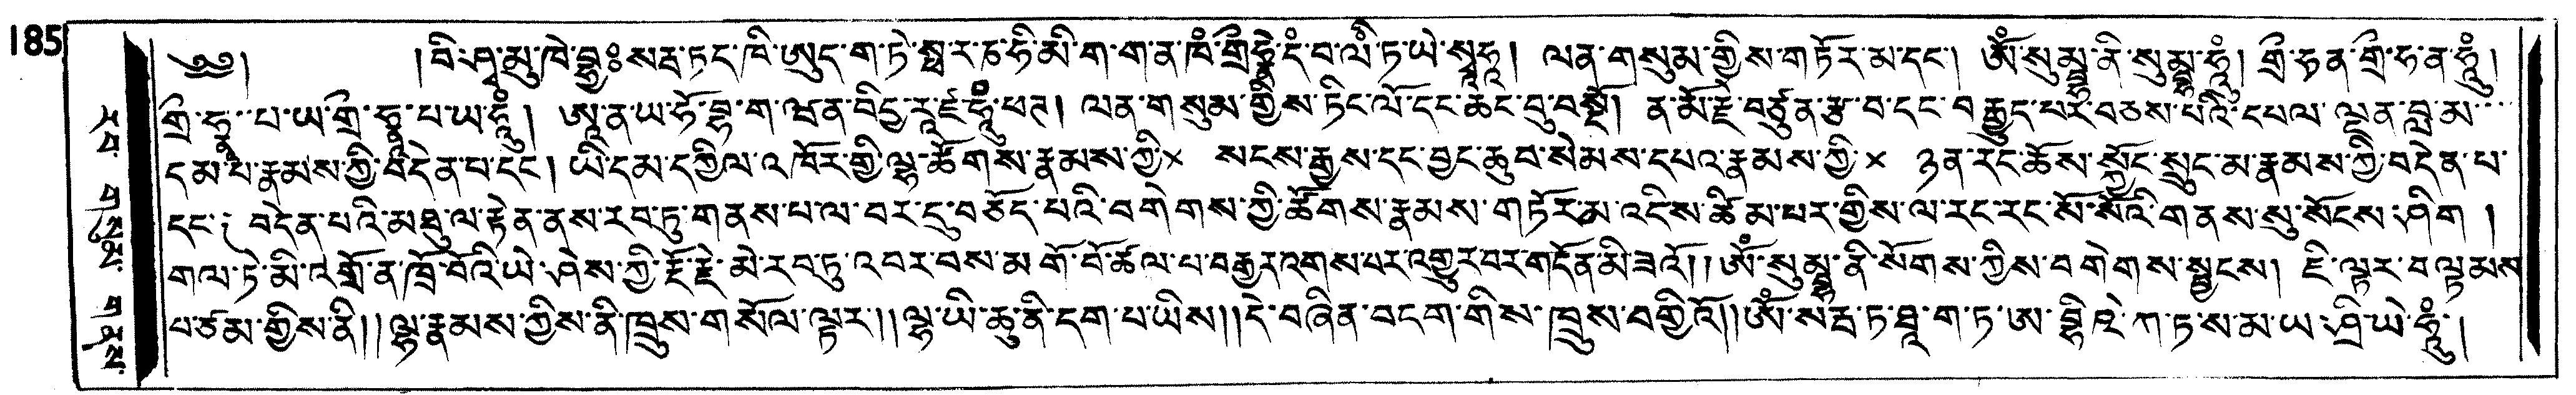༄༅། །བི་ཤྭ་མུ་ཁེ་བྷྱཿ སརྦ་ཏད་ཁི་ཨུད་ག་ཏེ་སྥ་ར་ཎ་ཧི་མི་ག་ག་ན་ཁཾ་གྲྀཧྣེ་དཾ་བ་ལཾ་ཏི་ཡེ་སྭཱ་ཧཱ། ལན་གསུམ་གྱིས་གཏོར་མ་དང་། ཨོཾ་སུམྦྷ་ནི་སུམྦྷ་ཧཱུཾ། གྲྀ་ཧན་གྲྀ་ཧ་ན་ཧཱུཾ།
གྲྀ་ཧྣཱ་པ་ཡ་གྲྀ་ཧྣཱ་པ་ཡ་ཧཱུཾ། ཨཱ་ན་ཡ་ཧོ་བྷ་ག་ཝན་བིདྱ་རཱ་ཛ་ཧཱུཾ་ཕཊ། ལན་གསུམ་གྱིས་ཏིང་ལོ་དང་ཆང་བུ་བསྔོ། ན་མོ་རྗེ་བཙུན་རྩ་བ་དང་བརྒྱུད་པར་བཅས་པའི་དཔལ་ལྡན་བླ་མ་
དམ་པ་རྣམས་ཀྱི་བདེན་པ་དང་། ཡི་དམ་དཀྱིལ་འཁོར་གྱི་ལྷ་ཚོགས་རྣམས་ཀྱི་྾་སངས་རྒྱས་དང་བྱང་ཆུབ་སེམས་དཔའ་རྣམས་ཀྱི་྾་ཉན་རང་ཆོས་སྐྱོང་སྲུང་མ་རྣམས་ཀྱི་བདེན་པ་
དང༑ བདེན་པའི་མཐུ་ལ་རྟེན་ནས་རབ་ཏུ་གནས་པ་ལ་བར་དུ་བཅོད་པའི་བགེགས་ཀྱི་ཚོགས་རྣམས་གཏོར་མ་འདིས་ཚིམ་པར་གྱིས་ལ་རང་རང་སོ་སོའི་གནས་སུ་སོངས་ཤིག །
གལ་ཏེ་མི་འགྲོ་ན་ཁྲོ་བོའི་ཡེ་ཤེས་ཀྱི་རྡོ་རྗེ་མེ་རབ་ཏུ་འབར་བས་མགོ་བོ་ཚལ་པ་བརྒྱར་འགས་པར་འགྱུར་བར་གདོན་མི་ཟའོ། །ཨོཾ་སུམྦྷ་ནི་སོགས་ཀྱིས་བགེགས་སྦྱངས། ཇི་ལྟར་བལྟམས་
པ་ཙམ་གྱིས་ནི། །ལྷ་རྣམས་ཀྱིས་ནི་ཁྲུས་གསོལ་ལྟར། །ལྷ་ཡི་ཆུ་ནི་དག་པ་ཡིས། །དེ་བཞིན་བདག་གིས་ཁྲུས་བྷྱིའོ། །ཨོཾ་སརྦ་ཏ་ཐཱ་ག་ཏ་ཨ་བྷི་ཥེ་ཀ་ཏ་ས་མ་ཡ་ཤྲི་ཡ་ཧཱུཾ།